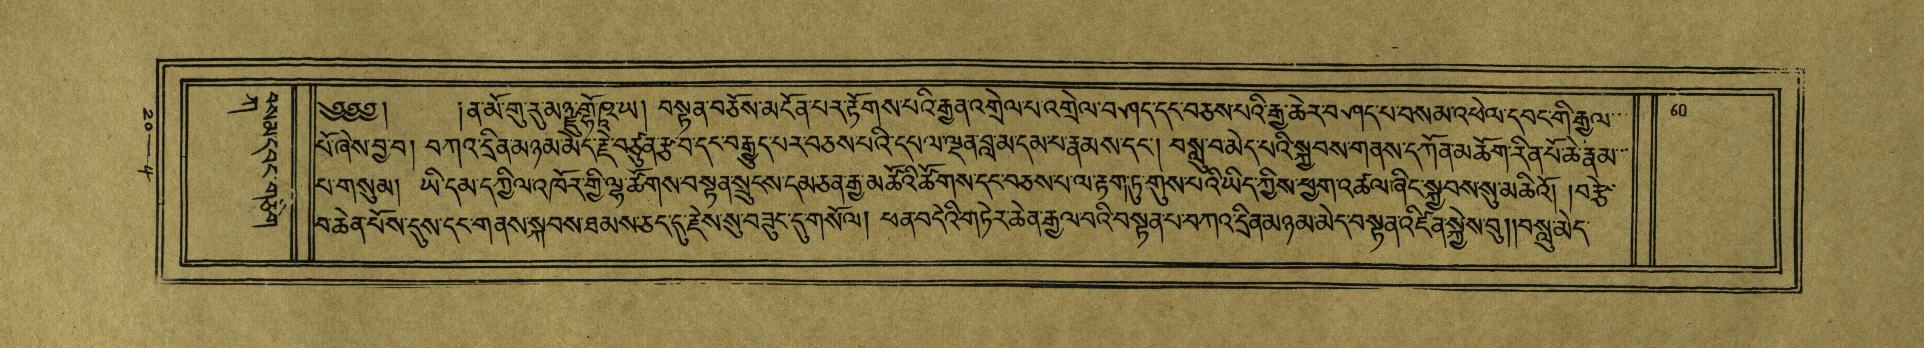༄༅༅། །ན་མོ་གུ་རུ་མཉྫུ་གྷོ་ཥཱ་ཡ། བསྟན་བཅོས་མངོན་པར་རྟོགས་པའི་རྒྱན་འགྲེལ་པ་འགྲེལ་བཤད་དང་བཅས་པའི་རྒྱ་ཆེར་བཤད་པ་བསམ་འཕེལ་དབང་གི་རྒྱལ་
པོ་ཞེས་བྱ་བ། བཀའ་དྲིན་མཉམ་མེད་རྗེ་བཙུན་རྩ་བ་དང་བརྒྱུད་པར་བཅས་པའི་དཔལ་ལྡན་བླ་མ་དམ་པ་རྣམས་དང་། བསླུ་བ་མེད་པའི་སྐྱབས་གནས་དཀོན་མཆོག་རིན་པོ་ཆེ་རྣམ་
པ་གསུམ། ཡི་དམ་དཀྱིལ་འཁོར་གྱི་ལྷ་ཚོགས་བསྟན་སྲུང་དམ་ཅན་རྒྱ་མཚོའི་ཚོགས་དང་བཅས་པ་ལ་རྟག་ཏུ་གུས་པའི་ཡིད་ཀྱིས་ཕྱག་འཚལ་ཞིང་སྐྱབས་སུ་མཆིའོ། །བརྩེ་
བ་ཆེན་པོས་དུས་དང་གནས་སྐབས་ཐམས་ཅད་དུ་རྗེས་སུ་བཟུང་དུ་གསོལ། ཕན་བདེའི་གཏེར་ཆེན་རྒྱལ་བའི་བསྟན་པ་བཀའ་དྲིན་མཉམ་མེད་བསྟན་འཛིན་སྐྱེས་བུ། །བསླུ་མེད་